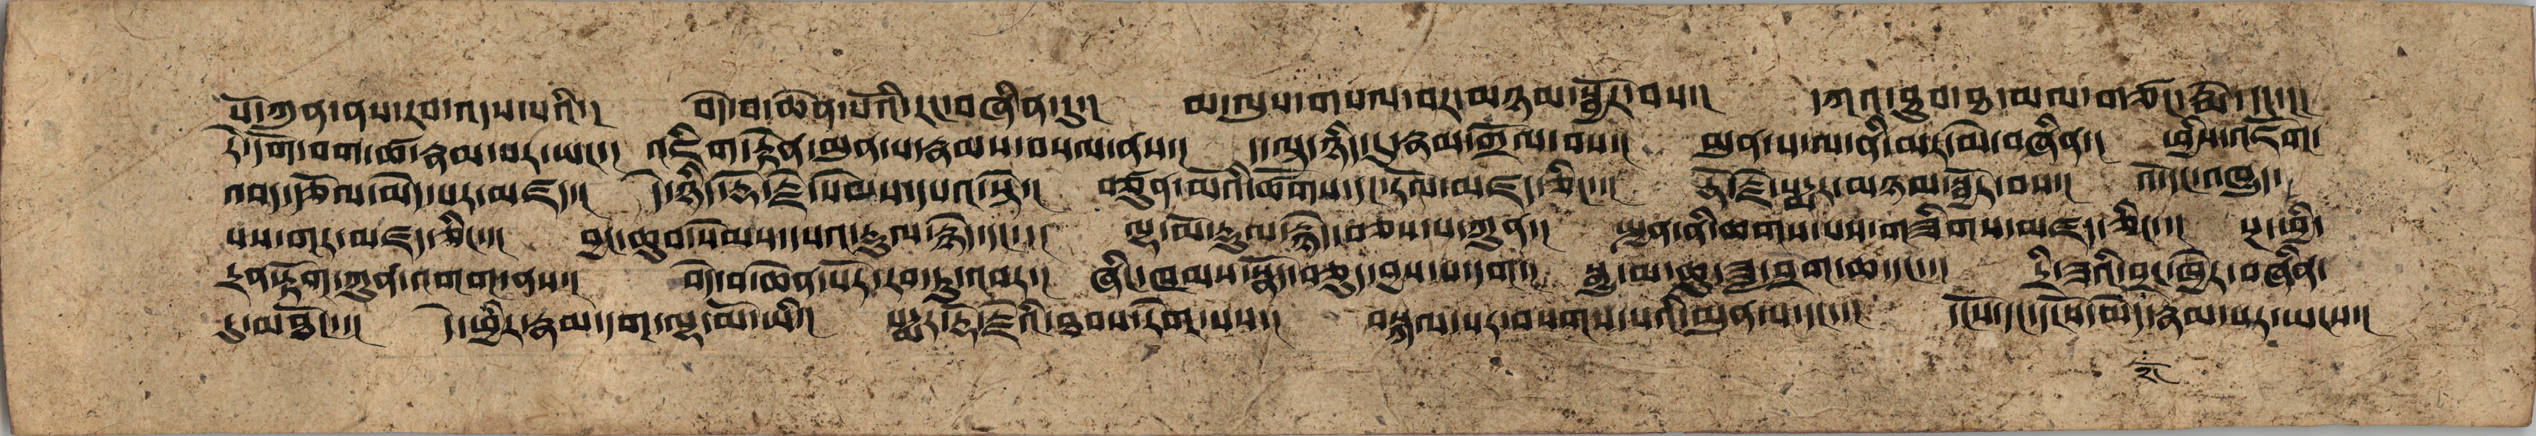པོ་ཀུན་ནས་རབ་འདས་པའི་། བདེ་བ་ཆེན་པོའི་རང་བཞིན་དུ་། མ་ལུས་གསལ་བར་མཉམ་སྦྱོར་བས་། དཀའ་ཐུབ་ཐ་མལ་གཙང་རྨེ་དང་།།
རེ་དོག་བག་ཚ་རྣམ་པར་ཡང་། འཇིག་རྟེན་མུན་པ་རྣམས་བསལ་ནས་། ད་ལྟ་ཉིད་དུ་རྣམ་གྲོལ་བས་། མུན་པ་ལ་ནི་མར་མེ་བཞིན་། ཕྱིས་འཇོག་
འབད་རྩོལ་མེད་པར་མཛད་། དེ་ཉིད་རྡོ་རྗེ་སེམས་དཔའ་སྟེ་། བཙུན་མོའི་ཚོགས་དང་རོལ་མཛད་ཅིང་་། རྡོ་རྗེ་པདྨར་མཉམ་སྦྱོར་བས་། འོ་དང་འཁྱུད་
པས་གར་མཛད་ཅིང་་། བྱང་ཆུབ་སེམས་དཔའ་རྡུལ་རྙེད་དང་་། ལྷ་མོ་རྡུལ་རྙེད་བཅས་པ་ཀུན་། སྤྱན་ནི་ཆགས་པས་གཟིགས་མཛད་ཅིང་་། སྔ་ཕྱི་
དྲན་རྟོག་ཀུན་འགག་ནས་། བདེ་བ་ཆེན་པོར་རབ་ཏུ་འབར་། ཞིང་ཁམས་སྣོད་བཅུད་བྱས་པ་དག་། སྒྱུ་མ་ཆུ་ཟླ་བྲག་ཆ་དང་་། དྲི་ཟའི་བྲང་ཁྱེར་བཞིན་
དུ་མཐོང་་། དེ་ཕྱིར་རྣམ་དག་ལྷ་མོ་ཡི་། པདྨར་རྡོ་རྗེའི་ཐབས་རིག་པས་། བསྐལ་པར་བསགས་པའི་མུན་པ་དང་་། དངོས་དང་དངོས་མེད་རྣམ་པར་ཡངས་།